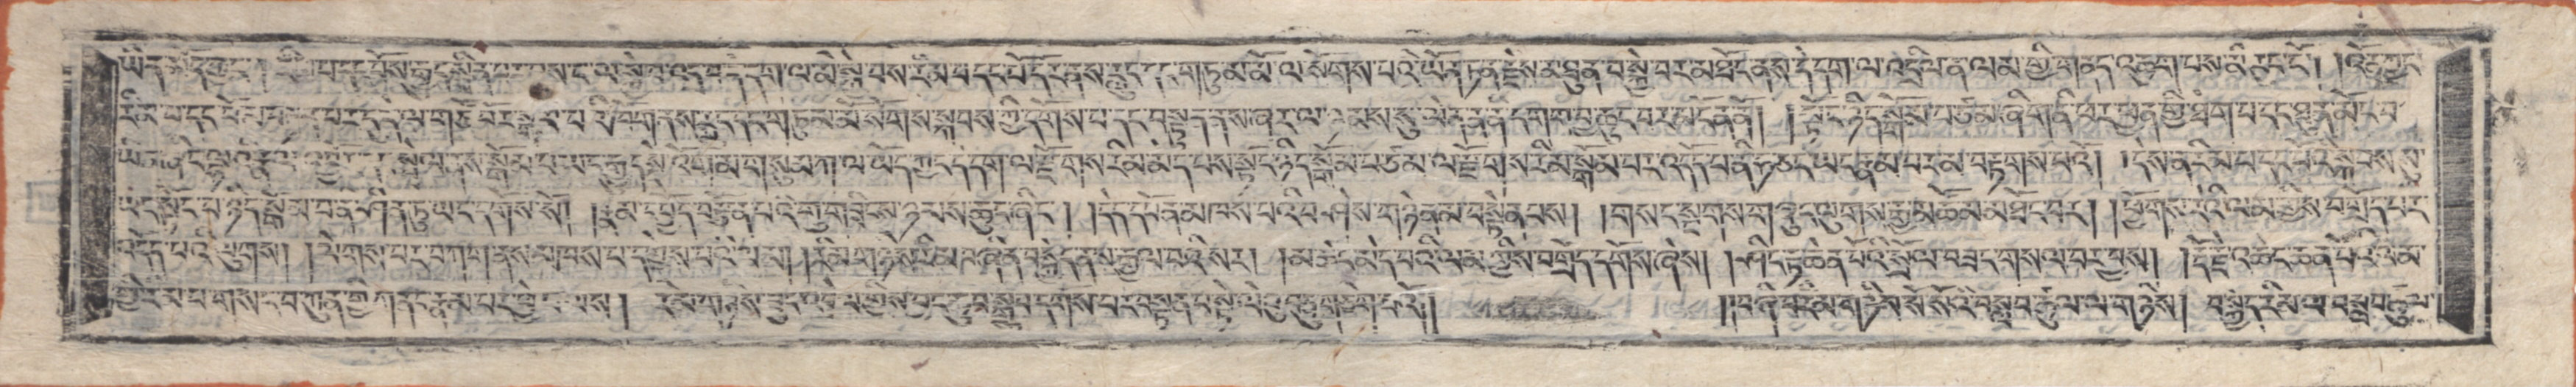ཡིན་མོད་ཀྱང་། རིམ་པ་དང་པོས་རྒྱུད་སྨིན་པར་བྱས་པ་ལ་སྐྱེ་བ་འདྲ་བ་དེ་དག་ལ་མི་སྐྱེ་བས་རིམ་པ་དང་པོ་དོར་ནས་རླུང་དང་གཏུམ་མོ་ལ་སོགས་པའི་ཡོན་ཏན་རྗེས་མཐུན་པ་སྐྱེ་བར་མཐོང་ནས་དེ་དག་ལ་འདྲིལ་ན་ལམ་གྱི་གནད་འཆུག་པས་མི་རུང་ངོ། །འོན་ཀྱང་
རིམ་པ་དང་པོ་མ་བརྟན་པར་དུ་དེ་ལ་གཙོ་བོར་སྒོམ་པའི་ཁོག་ནས་རླུང་དང་གཏུམ་མོ་སོགས་སྐབས་ཀྱི་དགོས་པ་དང་བསྟུན་ནས་ཞར་ལ་ཉམས་སུ་ལེན་ན་ནི་དགག་བྱ་ཆུང་བར་མངོན་ནོ། །སྟོང་ཉིད་སྒོམ་པ་ཙམ་ཞིག་ནི་ཕར་ཕྱིན་གྱི་ཐེག་པ་དང་ཐུན་མོང་བ་
ཡིན་ཞིང་ལྷའི་རྣལ་འབྱོར་དང་སྤྲེལ་ནས་སྒོམ་པ་ཡང་རྒྱུད་སྡེ་འོག་མ་གསུམ་ཀ་ལ་ཡོད་ཀྱང་དེ་དག་ལ་རྫོགས་རིམ་མེད་པས་སྟོང་ཉིད་སྒོམ་པ་ཙམ་ལ་རྫོགས་རིམ་སྒོམ་པར་འདོད་པ་ནི་ཧ་ཅང་ཡང་རྣམ་པར་མ་བརྟགས་པའོ། །དེས་ན་རིམ་པ་དང་པོའི་སྐབས་སུ་
ཡང་སྟོང་པ་ཉིད་སྒོམ་པ་ནི་ཤིན་ཏུ་ཡང་དགོས་སོ། །རྣམ་དཔྱོད་བརྩོན་པའི་གྲུ་གཟིངས་ཉམས་ཆུང་ཞིང་། །དེད་དཔོན་མཁས་པའི་བཤེས་གཉེན་མ་བསྟེན་པས། །གསང་སྔགས་གཞུང་ལུགས་རྒྱ་མཚོ་མ་མཐོང་བར། །ཕྱོགས་རེའི་ལམ་གྱིས་བགྲོད་པར་
འདོད་པའི་ལུགས། །ལེགས་པར་བཀག་ནས་མཁས་པ་དགྱེས་པའི་ལམ། །རིམ་གཉིས་རིམ་བཞིན་བསྐྱེད་ནས་རྒྱལ་བའི་སར། །མ་ཚང་མེད་པའི་ལམ་གྱིས་བགྲོད་དགོས་ཞེས། །ཤིང་རྟ་ཆེན་པོའི་སྲོལ་བཟང་གསལ་བར་བྱས། །རྡོ་རྗེ་འཆང་ཆེན་པོའི་ལམ་
གྱི་རིམ་པ་གསང་བ་ཀུན་གྱི་གནད་རྣམ་པར་ཕྱེ་བ་ལས། རིམ་གཉིས་ཟུང་འབྲེལ་གྱིས་བྱང་ཆུབ་སྒྲུབ་དགོས་པར་བསྟན་པ་སྟེ་ལེའུ་བཅུ་གཅིག་པའོ།། །།བཞི་པ་རིམ་གཉིས་སོ་སོའི་བསླབ་ཚུལ་ལ་གཉིས། བསྐྱེད་རིམ་ལ་བསླབ་ཚུལ་